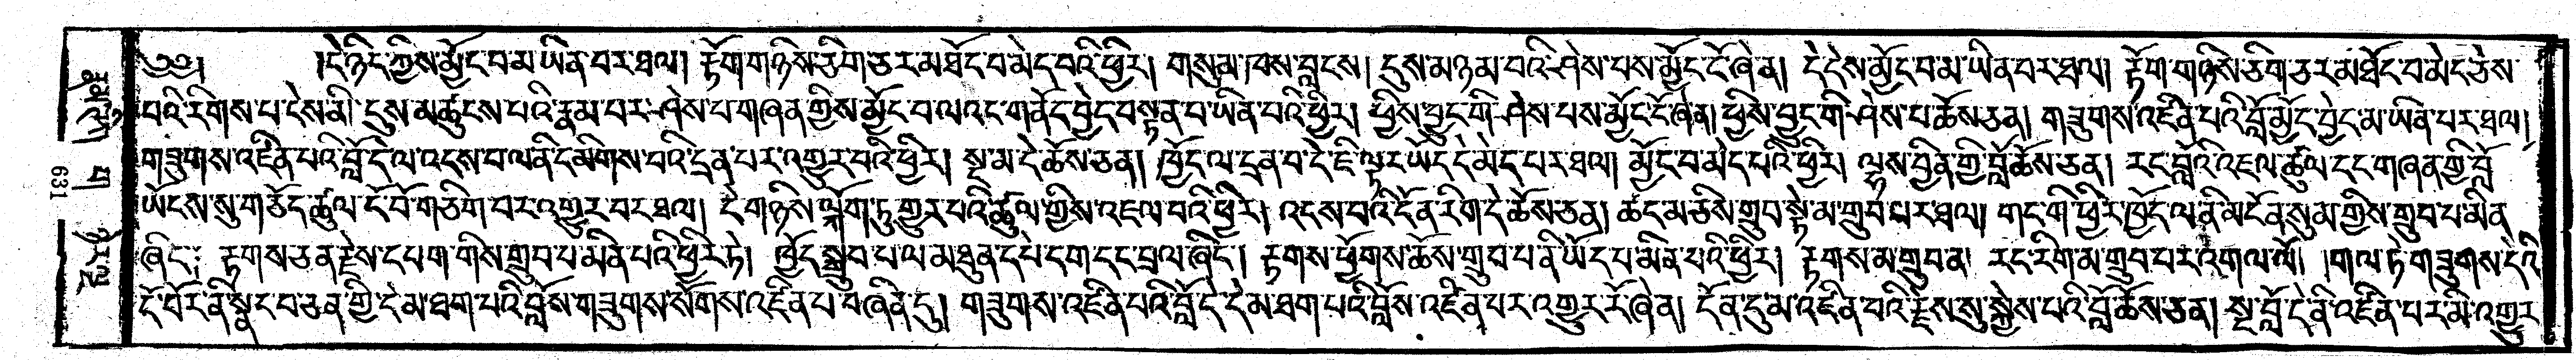༄༅། །དེ་ཉིད་ཀྱིས་མྱོང་བ་མ་ཡིན་བར་ཐལ། རྟོག་གཉིས་ཅིག་ཅར་མཐོང་བ་མེད་པའི་ཕྱིར། གསུམ་ཁས་བླངས། དུས་མཉམ་བའི་ཤེས་པས་མྱོང་ངོ་ཞེ་ན། དེ་དེས་མྱོང་བ་མ་ཡིན་བར་ཐལ། རྟོག་གཉིས་ཅིག་ཅར་མཐོང་བ་མེད་ཅེས་
པའི་རིགས་པ་ངེས་ནི། དུས་མཚུངས་པའི་རྣམ་བར་ཤེས་པ་གཞན་གྱིས་མྱོང་བ་ལའང་གནོད་བྱེད་བསྟན་བ་ཡིན་པའི་ཕྱིར། ཕྱིས་བྱུང་གི་ཤེས་པས་མྱོང་ངོ་ཞེ་ན། ཕྱིས་བྱུང་གི་ཤེས་པ་ཆོས་ཅན། གཟུགས་འཛིན་པའི་བློ་མྱོང་བྱེད་མ་ཡིན་པར་ཐལ།
གཟུགས་འཛིན་པའི་བློ་དེ་ལ་འདས་བ་ལ་ནི་དམིགས་པའི་དྲན་པར་འགྱུར་བའི་ཕྱིར། སྔ་མ་དེ་ཆོས་ཅན། ཁྱོད་ལ་དྲན་བ་དེ་ཇི་ལྟར་ཡོད་དེ་མེད་པར་ཐལ། མྱོང་བ་མེད་པའི་ཕྱིར། ལྷས་བྱིན་གྱི་བློ་ཆོས་ཅན། རང་བློའི་འཇལ་ཚུལ་དང་གཞན་གྱི་བློ་
ཡོངས་སུ་གཅོད་ཚུལ་ངོ་བོ་གཅིག་བར་འགྱུར་བར་ཐལ། ངེ་གཉིས་ལྐོག་ཏུ་གྱུར་པའི་ཚུལ་གྱིས་འཇལ་བའི་ཕྱིར། འདས་བའི་དོན་རིག་དེ་ཆོས་ཅན། ཚད་མ་ཅིས་གྲུབ་སྟེ་མ་གྲུབ་པར་ཐལ། གང་གི་ཕྱིར་ཁྱོད་ལ་ནི་མངོན་སུམ་གྱིས་གྲུབ་པ་མིན་
ཞིང༑ རྟགས་ཅན་རྗེས་དཔག་གིས་གྲུབ་པ་མིན་པའི་ཕྱིར་ཏེ། ཁྱོད་སྒྲུབ་པ་ལ་མཐུན་དཔེ་དག་དང་བྲལ་ཞིང་། རྟགས་ཕྱོགས་ཆོས་གྲུབ་པ་ནི་ཡོད་པ་མིན་པའི་ཕྱིར། རྟགས་མ་གྲུབ་ན། རང་རིག་མ་གྲུབ་པར་འགལ་ལོ། །གལ་ཏེ་གཟུགས་དེའི་
ངོ་བོར་ནི་སྣང་བ་ཅན་གྱི་དེ་མ་ཐག་པའི་བློས་གཟུགས་སོགས་འཛིན་པ་བཞིན་དུ། གཟུགས་འཛིན་པའི་བློ་དེ་དེ་མ་ཐག་པའི་བློས་འཛིན་པར་འགྱུར་རོ་ཞེ་ན། དོན་དུ་མ་འཛིན་བའི་རྗེས་སུ་སྐྱེས་པའི་བློ་ཆོས་ཅན། སྔ་བློ་དེ་ནི་འཛིན་པར་མི་འགྱུར་